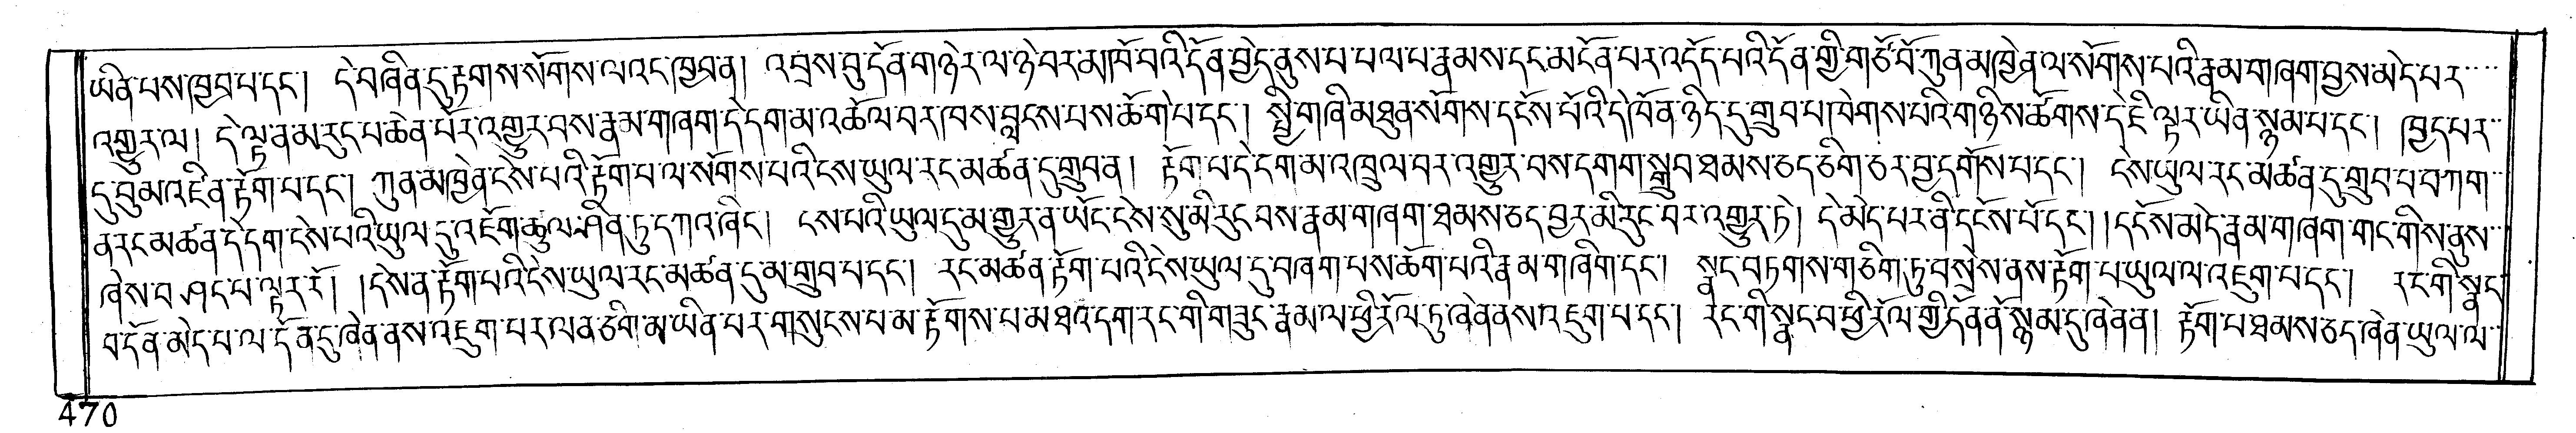ཡིན་པས་ཁྱབ་པ་དང་། དེ་བཞིན་དུ་རྟགས་སོགས་ལའང་ཁྱབ་ན། འབྲས་བུ་དོན་གཉེར་ལ་ཉེ་བར་མཁོ་བའི་དོན་བྱེད་ནུས་པ་ཕལ་པ་རྣམས་དང་མངོན་པར་འདོད་པའི་དོན་གྱི་གཙོ་བོ་ཀུན་མཁྱེན་ལ་སོགས་པའི་རྣམ་གཞག་བྱ་ས་མེད་པར་
འགྱུར་ལ། དེ་ལྟ་ན་མ་རུང་པ་ཆེན་པོར་འགྱུར་བས་རྣམ་གཞག་དེ་དག་མ་འཆོལ་བར་ཁས་བླངས་པས་ཆོག་པ་དང་། སྤྱི་གཞི་མཐུན་སོགས་དངོས་པོའི་དེ་ཁོ་ན་ཉིད་དུ་གྲུབ་པ་ཁེགས་པའི་གཉིས་ཚོགས་དེ་ཇི་ལྟར་ཡིན་སྙམ་པ་དང་། ཁྱད་པར་
དུ་བུམ་འཛིན་རྟོག་པ་དང་། ཀུན་མཁྱེན་ངེས་བའི་རྟོག་པ་ལ་སོགས་པའི་ངེས་ཡུལ་རང་མཚན་དུ་གྲུབ་ན། རྟོག་པ་དེ་དག་མ་འཁྲུལ་བར་འགྱུར་བས་དགག་སྒྲུབ་ཐམས་ཅད་ཅིག་ཅར་བྱ་དགོས་པ་དང་། ངེས་ཡུལ་རང་མཚན་དུ་གྲུབ་པ་བཀག་
ན་རང་མཚན་དེ་དག་ངེས་པའི་ཡུལ་དུ་འཇོག་ཚུལ་ཤིན་ཏུ་དཀའ་ཞིང་། ངས་པའི་ཡུལ་དུ་མ་གྱུར་ན་ཡོང་ངེས་སུ་མི་རུང་བས་རྣམ་གཞག་ཐམས་ཅད་བྱར་མི་རུང་བར་འགྱུར་ཏེ། དེ་མེད་པར་ནི་དངོས་པོ་དང་། །དངོས་མེད་རྣམ་གཞག་གང་གིས་ནུས་
ཞེས་བཤད་པ་ལྟར་རོ། །དེས་ན་རྟོག་པའི་ངེས་ཡུལ་རང་མཚན་དུ་མ་གྲུབ་པ་དང་། རང་མཚན་རྟོག་པའི་ངེས་ཡུལ་དུ་བཞག་པས་ཆོག་པའི་རྣམ་གཞག་དང་། སྣང་བཏགས་གཅིག་ཏུ་བསྲེས་ནས་རྟོག་པ་ཡུལ་ལ་འཇུག་པ་དང་། རང་གི་སྣང་
བ་དོན་མེད་པ་ལ་དོན་དུ་ཞེན་ནས་འཇུག་པར་ལན་ཅིག་མ་ཡིན་པར་གསུངས་པ་མ་རྟོགས་པ་མཐའ་དག་རང་གི་གཟུང་རྣམ་ལ་ཕྱི་རོལ་ཏུ་ཞེན་ནས་འཇུག་པ་དང་། རང་གི་སྣང་བ་ཕྱི་རོལ་གྱི་དོན་ནོ་སྙམ་དུ་ཞེན་ན། རྟོག་པ་ཐམས་ཅད་ཞེན་ཡུལ་ལ་